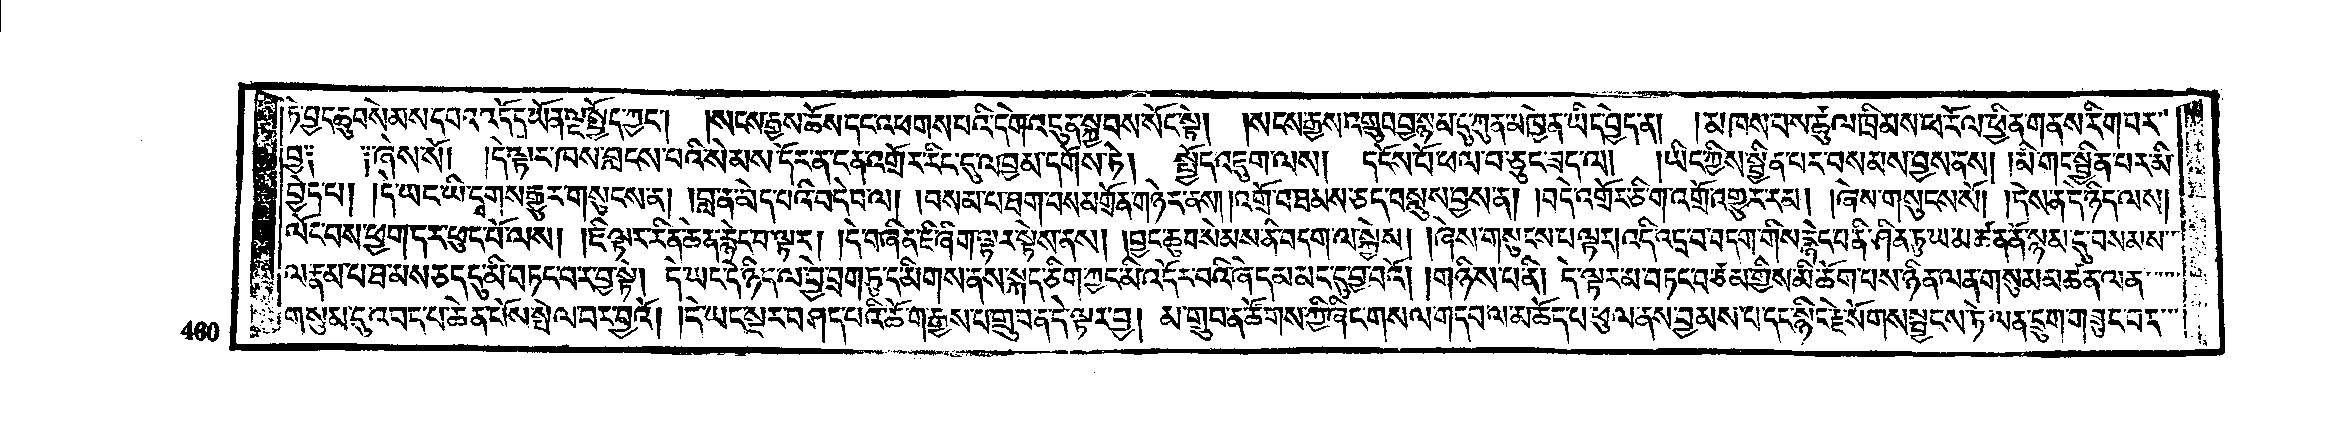ཏེ་བྱང་ཆུབ་སེམས་དཔའ་འདོད་ཡོན་ལྔ་སྤྱོད་ཀྱང་། །སངས་རྒྱས་ཆོས་དང་འཕགས་པའི་དགེ་འདུན་སྐྱབས་སོང་སྟེ། །སངས་རྒྱས་འགྲུབ་བྱ་སྙམ་དུ་ཀུན་མཁྱེན་ཡིད་བྱེད་ན། །མཁས་པས་ཚུལ་ཁྲིམས་ཕ་རོལ་ཕྱིན་གནས་རིག་པར་
བྱ༑ ༑ཞེས་སོ། །དེ་ལྟར་ཁས་བླངས་པའི་སེམས་དོར་ན་ངན་འགྲོར་རིང་དུ་འཁྱམ་དགོས་ཏེ། སྤྱོད་འཇུག་ལས། དངོས་པོ་ཕལ་པ་ཅུང་ཟད་ལ། །ཡིད་ཀྱིས་སྦྱིན་པར་བསམས་བྱས་ནས། །མི་གང་སྦྱིན་པར་མི་
བྱེད་པ། །དེ་ཡང་ཡི་དྭགས་རྒྱུར་གསུངས་ན། །བླ་ན་མེད་པའི་བདེ་བ་ལ། །བསམ་པ་ཐག་པས་མགྲོན་གཉེར་ནས། །འགྲོ་བ་ཐམས་ཅད་བསླུས་བྱས་ན། །བདེ་འགྲོར་ཅི་ག་?་འགྲོ་འགྱུར་རམ། །ཞེས་གསུངས་སོ། །དེས་ན་དེ་ཉིད་ལས།
ལོང་བས་ཕྱག་དར་ཕུང་པོ་ལས། །ཇི་ལྟར་རིན་ཆེན་རྙེད་པ་ལྟར། །དེ་བཞིན་ཇི་ཞིག་ལྟར་སྟེས་ནས། །བྱང་ཆུབ་སེམས་ནི་བདག་ལ་སྐྱེས། །ཞེས་གསུངས་པ་ལྟར། འདི་འདྲ་བ་བདག་གིས་རྙེད་པ་ནི་ཤིན་ཏུ་ཡ་མཚན་ནོ་སྙམ་དུ་བསམས་
ལ་རྣམ་པ་ཐམས་ཅད་དུ་མི་བཏང་བར་བྱ་སྟེ། དེ་ཡང་དེ་ཉིད་ལ་བྱེ་བྲག་ཏུ་དམིགས་ནས་སྐད་ཅིག་ཀྱང་མི་འདོར་བའི་ཞེ་དམ་མང་དུ་བྱ་བའོ། །གཉིས་པ་ནི། དེ་ལྟར་མ་བཏང་བ་ཙམ་གྱིས་མི་ཆོག་པས་ཉིན་ལན་གསུམ་མཚན་ལན་
གསུམ་དུ་འབད་པ་ཆེན་པོས་སྤེལ་བར་བྱའོ། །དེ་ཡང་སྔར་བཤད་པའི་ཆོ་ག་རྒྱས་པ་གྲུབ་ན་དེ་ལྟར་བྱ། མ་གྲུབ་ན་ཚོགས་ཀྱི་ཞིང་གསལ་གདབ་ལ་མཆོད་པ་ཕུལ་ནས་བྱམས་པ་དང་སྙིང་རྗེ་སོགས་སྦྱངས་ཏེ་ལན་དྲུག་གཟུང་བར་